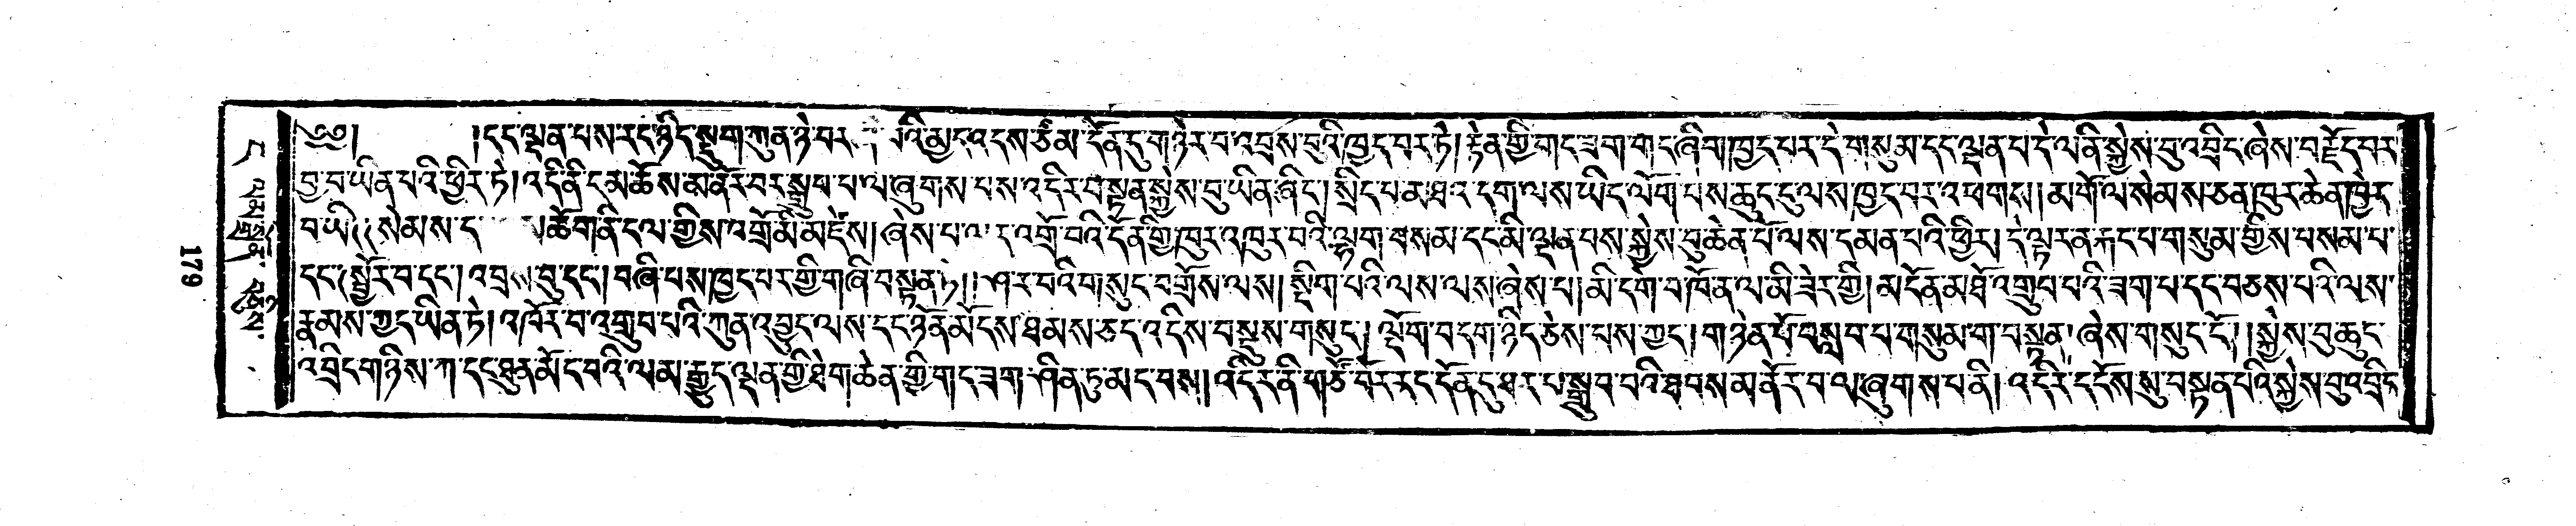༄༅། །དང་ལྡན་པས་རང་ཉིད་སྡུག་ཀུན་ཉེ་བར་ཞི་བའི་མྱང་འདས་ཙམ་དོན་དུ་གཉེར་བ་འབྲས་བུའི་ཁྱད་པར་ཏེ། རྟེན་གྱི་གང་ཟག་གང་ཞིག་ཁྱད་པར་དེ་གསུམ་དང་ལྡན་པ་དེ་ལ་ནི་སྐྱེས་བུ་འབྲིང་ཞེས་བརྗོད་པར་
བྱ་བ་ཡིན་པའི་ཕྱིར་ཏེ། འདི་ནི་དམ་ཆོས་མ་ནོར་བར་སྒྲུབ་པ་ལ་ཞུགས་པས་འདིར་བསྟན་སྐྱེས་བུ་ཡིན་ཞིང་། སྲིད་པ་མཐའ་དག་ལས་ཡིད་ལོག་པས་ཆུང་ངུ་ལས་ཁྱད་པར་འཕགས། མགོ་ལ་སེམས་ཅན་ཁུར་ཆེན་ཁྱེར་
བ་ཡི༑ ༑སེམས་དཔའ་མཆོག་ནི་དལ་གྱིས་འགྲོ་མི་མཛེས། ཞེས་པ་ལྟར་འགྲོ་བའི་དོན་གྱི་ཁུར་འཁུར་བའི་ལྷག་བསམ་དང་མི་ལྡན་པས་སྐྱེས་བུ་ཆེན་པོ་ལས་དམན་པའི་ཕྱིར། དེ་ལྟར་ན་རྐང་པ་གསུམ་གྱིས་བསམ་པ་
དང༑ སྦྱོར་བ་དང་། འབྲས་བུ་དང་། བཞི་པས་ཁྱད་པར་གྱི་གཞི་བསྟན་ཏོ། །ཤ་ར་བའི་གསུང་བགྲོས་ལས། སྡིག་པའི་ལས་ལས་ཞེས་པ། མི་དགེ་བ་ཁོ་ན་ལ་མི་ཟེར་གྱི། མངོན་མཐོ་འགྲུབ་པའི་ཟག་པ་དང་བཅས་པའི་ལས་
རྣམས་ཀྱང་ཡིན་ཏེ། འཁོར་བ་འགྲུབ་པའི་ཀུན་འབྱུང་ལས་དང་ཉོན་མོངས་ཐམས་ཅད་འདིས་བསྡུས་གསུང་། ལྡོག་བདག་ཉིད་ཅེས་པས་ཀྱང་། གཉེན་པོ་བསླབ་པ་གསུམ་ག་བསྟན། ཞེས་གསུང་ངོ། །སྐྱེས་བུ་ཆུང་
འབྲིང་གཉིས་ཀ་དང་ཐུན་མོང་བའི་ལམ་རྒྱུད་ལྡན་གྱི་ཐེག་ཆེན་གྱི་གང་ཟག་ཤིན་ཏུ་མང་བས། འདིར་ནི་གཙོ་བོར་རང་དོན་དུ་ཐར་པ་སྒྲུབ་པའི་ཐབས་མ་ནོར་བ་ལ་ཞུགས་པ་ནི། འདིར་དངོས་སུ་བསྟན་པའི་སྐྱེས་བུ་འབྲིང་